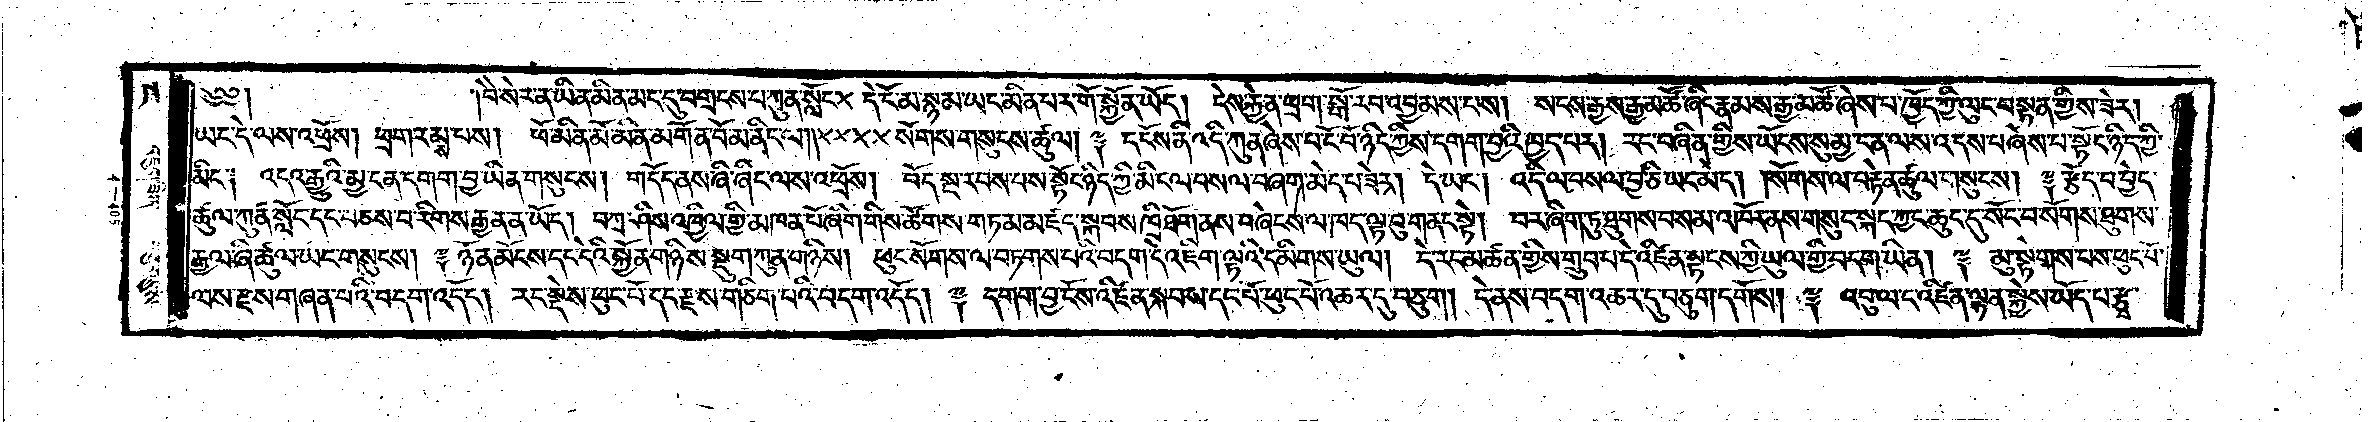༄༅། །བཻ་སེར་ན་ཡིན་མིན་མང་དུ་བགྲངས་པ་ཀུན་སློང་྾་དེ་ངོ་མ་སྙམ་ཡང་མིན་པར་གོ་སྐྱོན་ཡོད། དེས་རྐྱེན་ཕྲག་སྒོ་རབ་འབྱམས་པས། སངས་རྒྱས་རྒྱ་མཚོ་ཞིང་རྣམས་རྒྱ་མཚོ་ཞེས་པ་ཁྱོད་ཀྱི་ལུང་བསྟན་གྱིས་ཟེར།
ཡང་དེ་ལས་འཕྲོས༑ ཕྲག་རམས་པས། ཕོ་མིན་མོ་མིན་མགོ་ན་བོ་མ་ནིང་ལ། །྾་྾་྾་྾་སོགས་གསུངས་ཚུལ། ༈ དངོས་ནི་འདི་ཀུན་ཞེས་པ་ངོ་བོ་ཉིད་ཀྱིས་དགག་བྱའི་ཁྱད་པར། རང་བཞིན་གྱིས་ཡོངས་སུ་མྱ་ངན་ལས་འདས་པ་ཞེས་པ་སྟོང་ཉིད་ཀྱི་
མིང༑ འདའ་རྒྱུའི་མྱ་ངན་དགག་བྱ་ཡིན་གསུངས། གདོད་ནས་ཞི་ཞིང་ལས་འཕྲོས། བོད་སྔ་རབས་པས་སྟོང་ཉིད་ཀྱི་མིང་ལ་བསལ་བཞག་མེད་པ་ཟེར། དེ་ཡང་། འདི་ལ་བསལ་བྱ་ཅི་ཡང་མེད། །སོགས་ལ་བརྟེན་ཚུལ་གསུངས། ༈ རྩོད་པ་བྱེད་
ཚུལ་ཀུན་སློང་དང་བཅས་བ་རིགས་རྒྱན་ན་ཡོད། བཀྲ་ཤིས་འཁྱིལ་གྱི་མཁན་པོ་ཞིག་གིས་ཚོགས་གཏམ་མཛད་སྐབས་ཁྲི་ཐོག་ནས་བཞེངས་ལ་ཁད་ལྟ་བུ་གནང་སྟེ། བར་ཞིག་ཏུ་ཐུགས་བསམ་འཁོར་ནས་གསུང་སྐདཀྱང་ཆུང་དུ་སོང་བ་སོགས་ཐུགས་
རྒྱལ་ཞི་ཚུལ་ཡང་གསུངས། ༈ ཉོན་མོངས་དང་དེའི་སྐྱོན་གཉིས་སྡུག་ཀུན་གཉིས། ཕུང་སོགས་ལ་བཏགས་པའི་བདག་དེ་འཇིག་ལྟའི་དམིགས་ཡུལ། དེ་རང་མཚན་གྱིས་གྲུབ་པ་དེ་འཛིན་སྟངས་ཀྱི་ཡུལ་གྱི་བདག་ཡིན། ༈ མུ་སྟེགས་པས་ཕུང་པོ་
ལས་རྫས་གཞན་པའི་བདག་འདོད། རང་སྡེས་ཕུང་པོ་དང་རྫས་གཅིག་པའི་བདག་འདོད། ༈ དགག་བྱ་ངོས་འཛིན་སྐབས་དང་པོ་ཕུང་པོ་འཆར་དུ་བཅུག། དེ་ནས་བདག་འཆར་དུ་བཅུག་དགོས། ༈ འབུལ་ང་འཛིན་ལྷན་སྐྱེས་ཡོད་པ་རྩྭ་